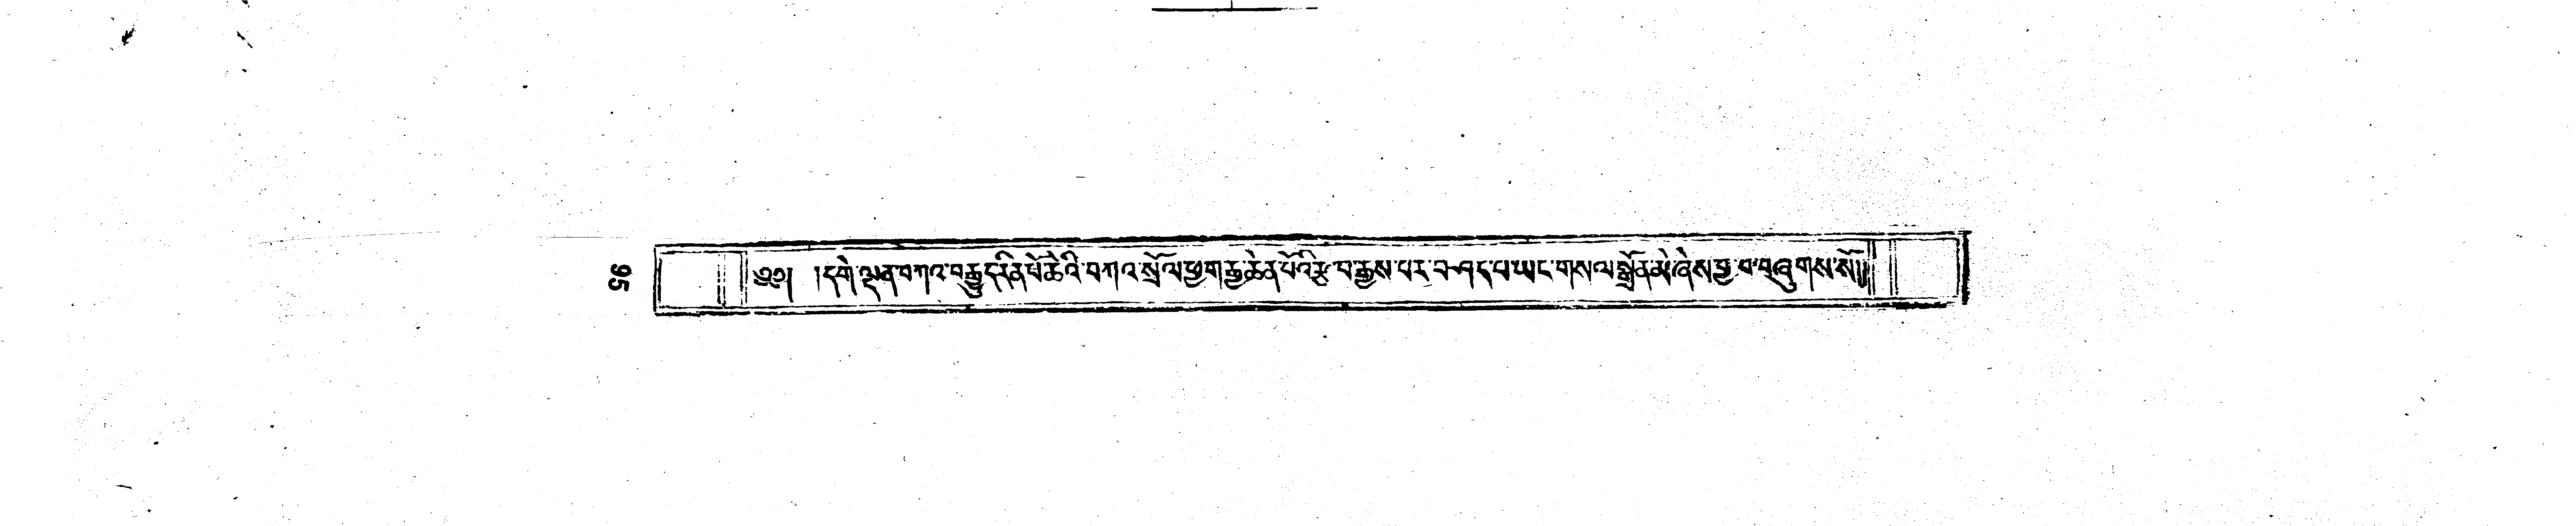༄༅། །དགེ་ལྡན་བཀའ་བརྒྱུད་རིན་པོ་ཆེའི་བཀའ་སྲོལ་ཕྱག་རྒྱ་ཆེན་པོའི་རྩ་བ་རྒྱས་པར་བཤད་པ་ཡང་གསལ་སྒྲོན་མེ་ཞེས་བྱ་བ་བཞུགས་སོ། །